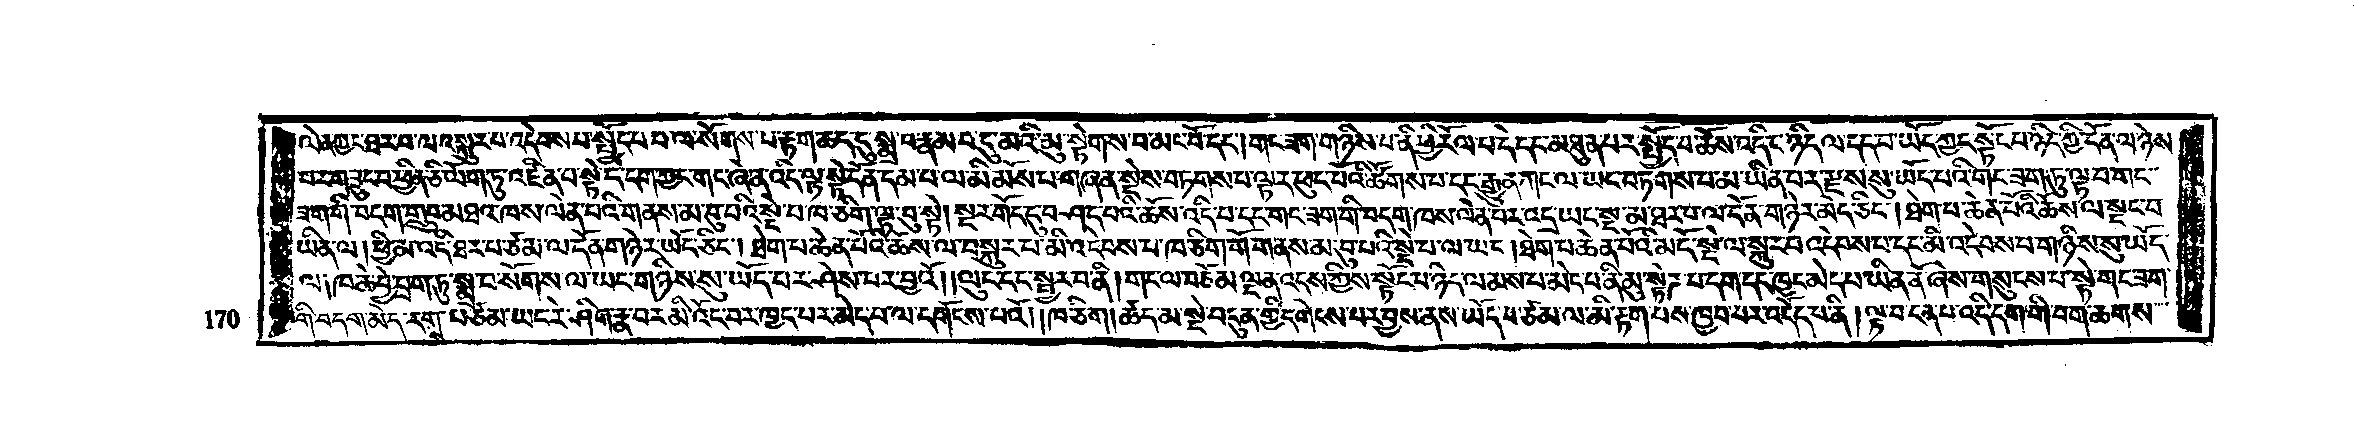ལེན་ཀྱང་ཐར་པ་ལ་བསྐུར་བ་འདེབས་པ་སྤྱོད་པ་བ་ལ་སོགས་པ་རྟག་ཆད་དུ་སྨྲ་བ་རྣམ་པ་དུ་མའི་མུ་སྟེགས་པ་མང་པོ་དང་། གང་ཟག་གཉིས་པ་ནི་ཕྱི་རོལ་པ་དེ་དང་མཐུན་པར་སྤྱོད་པ་ཆོས་འདིར་ཉིད་ལ་དད་པ་ཡོད་ཀྱང་སྟོང་པ་ཉིད་ཀྱི་དོན་ལ་ཉེས་
པར་གཟུང་བ་ཕྱིན་ཅི་ལོག་ཏུ་འཛིན་པ་སྟེ་དེ་དག་ཀྱང་གང་ཞེ་ན་འདི་ལྟ་སྟེ་དོན་དམ་པ་ལ་མི་མོས་པ་གཞན་སྡེས་བཏགས་པ་ལྟར་ཕུང་པོའི་ཚོགས་པ་དང་རྒྱུན་གང་ལ་ཡང་བཏགས་པ་མ་ཡིན་པར་རྫས་སུ་ཡོད་པའི་གང་ཟག་ཏུ་ལྟ་བ་གང་
ཟག་གི་བདག་གྲུབ་མཐའ་ཁས་ལེན་པའི་གནས་མ་བུ་པའི་སྡེ་བ་ཁ་ཅིག་ལྟ་བུ་སྟེ། སྔར་གོང་དུ་བཤད་པའི་ཆོས་འདི་བ་དང་གང་ཟག་གི་བདག་ཁས་ལེན་པར་འདྲ་ཡང་སྔ་མ་ཐར་པ་ལ་དོན་གཉེར་མེད་ཅིང་། ཐེག་པ་ཆེན་པོའི་ཆོས་ལ་སྡང་བ་
ཡིན་ལ། ཕྱི་མ་འདི་ཐར་པ་ཙམ་ལ་དོན་གཉེར་ཡོད་ཅིང་། ཐེག་པ་ཆེན་པོའི་ཆོས་ལ་བསྐུར་བ་མི་འདེབས་པ་ཁ་ཅིག་གོ་གནས་མ་བུ་པའི་སྡེ་པ་ལ་ཡང་། ཐེག་པ་ཆེན་པའི་མདོ་སྡེ་ལ་སྐུར་བ་འདེབས་པ་དང་མི་འདེབས་པ་གཉིས་སུ་ཡོད་
ལ༑ ཁ་ཆེ་བྱེ་བྲག་ཏུ་སྨྲ་བ་སོགས་ལ་ཡང་གཉིས་སུ་ཡོད་པར་ཤེས་པར་བྱའོ། །ལུང་དང་སྦྱར་བ་ནི། གང་ལ་བཅོམ་ལྡན་འདས་ཀྱིས་སྟོང་པ་ཉིད་ལ་མས་པ་མེད་པ་ནི་མུ་སྟེགས་པ་དག་དང་ཁྱད་མེད་པ་ཡིན་ནོ་ཞེས་གསུངས་པ་སྟེ་གང་ཟག་
གི་བདག་མེད་རགས་པ་ཙམ་ཡང་རེ་ཤིག་རྣ་བར་མི་འོང་བར་ཁྱད་པར་མེད་པ་ལ་དགོངས་པའོ། །ཁ་ཅིག །ཚད་མ་སྡེ་བདུན་གྱི་དགེངས་པར་བྱས་ནས་ཡོད་པ་ཙམ་ལ་མི་རྟག་པས་ཁྱབ་པར་འདོད་པ་ནི། ལྟ་བ་ངན་པ་འདི་དག་གི་བག་ཆགས་